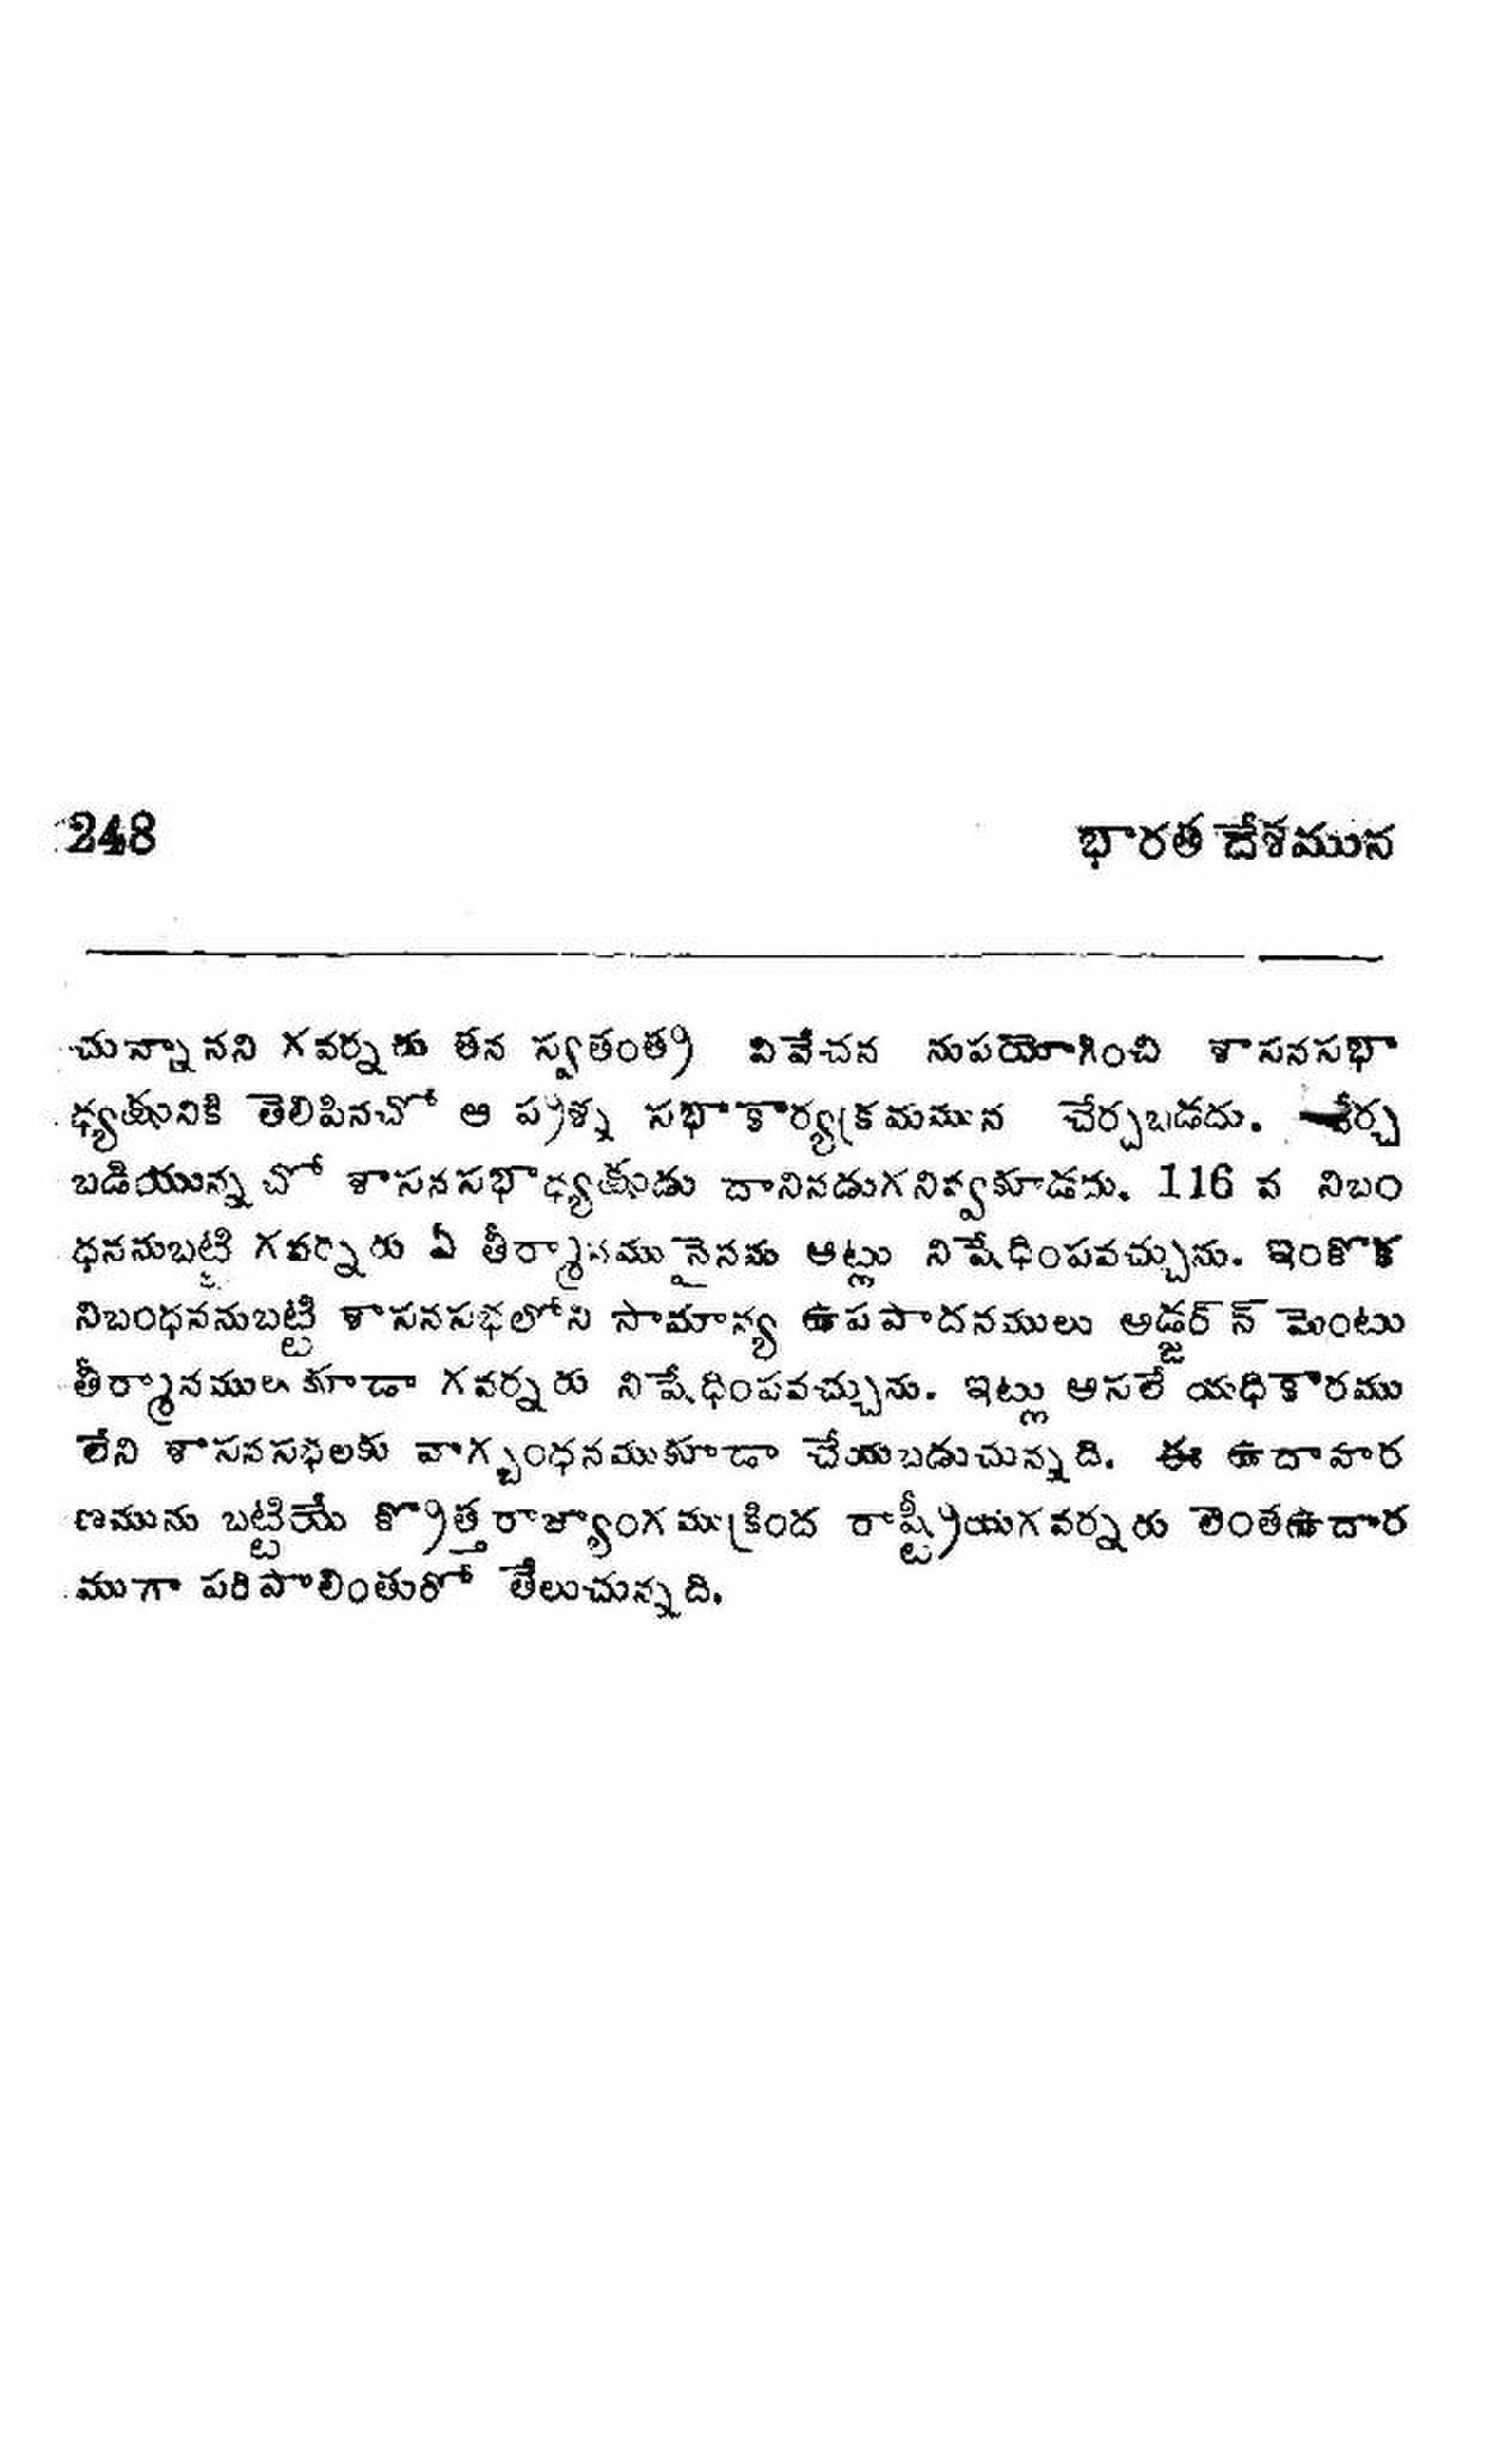చున్నానని గవర్నరు తన స్వతంత్ర వివేచన నుపయోగించి శాసనసభాధ్యక్షునికి తెలిపినచో ఆ ప్రశ్న సభాకార్యక్రమమున చేర్చబడదు. చేర్చబడియున్నచో శాసనసభాధ్యక్షుడు దానినడుగనివ్వకూడదు. 116వ నిబంధననుబట్టి గవర్నరు ఏ తీర్మానమునైనను ఆట్లు నిషేధింపవచ్చును. ఇంకొక నిబంధననుబట్టి శాసనసభలోని సామాన్య ఉపపాదనములు అడ్జర్ న్ మెంటు తీర్మానములు కూడా గవర్నరు నిషేధింపవచ్చును. ఇట్లు అసలే యధికారము లేని శాసనసభలకు వాగ్బంధనముకూడా చేయబడుచున్నది. ఈ ఉదాహరణమును బట్టియే క్రొత్తరాజ్యాంగముక్రింద రాష్ట్రీయగవర్నరు లెంతఉదారముగా పరిపాలింతురో తేలుచున్నది.